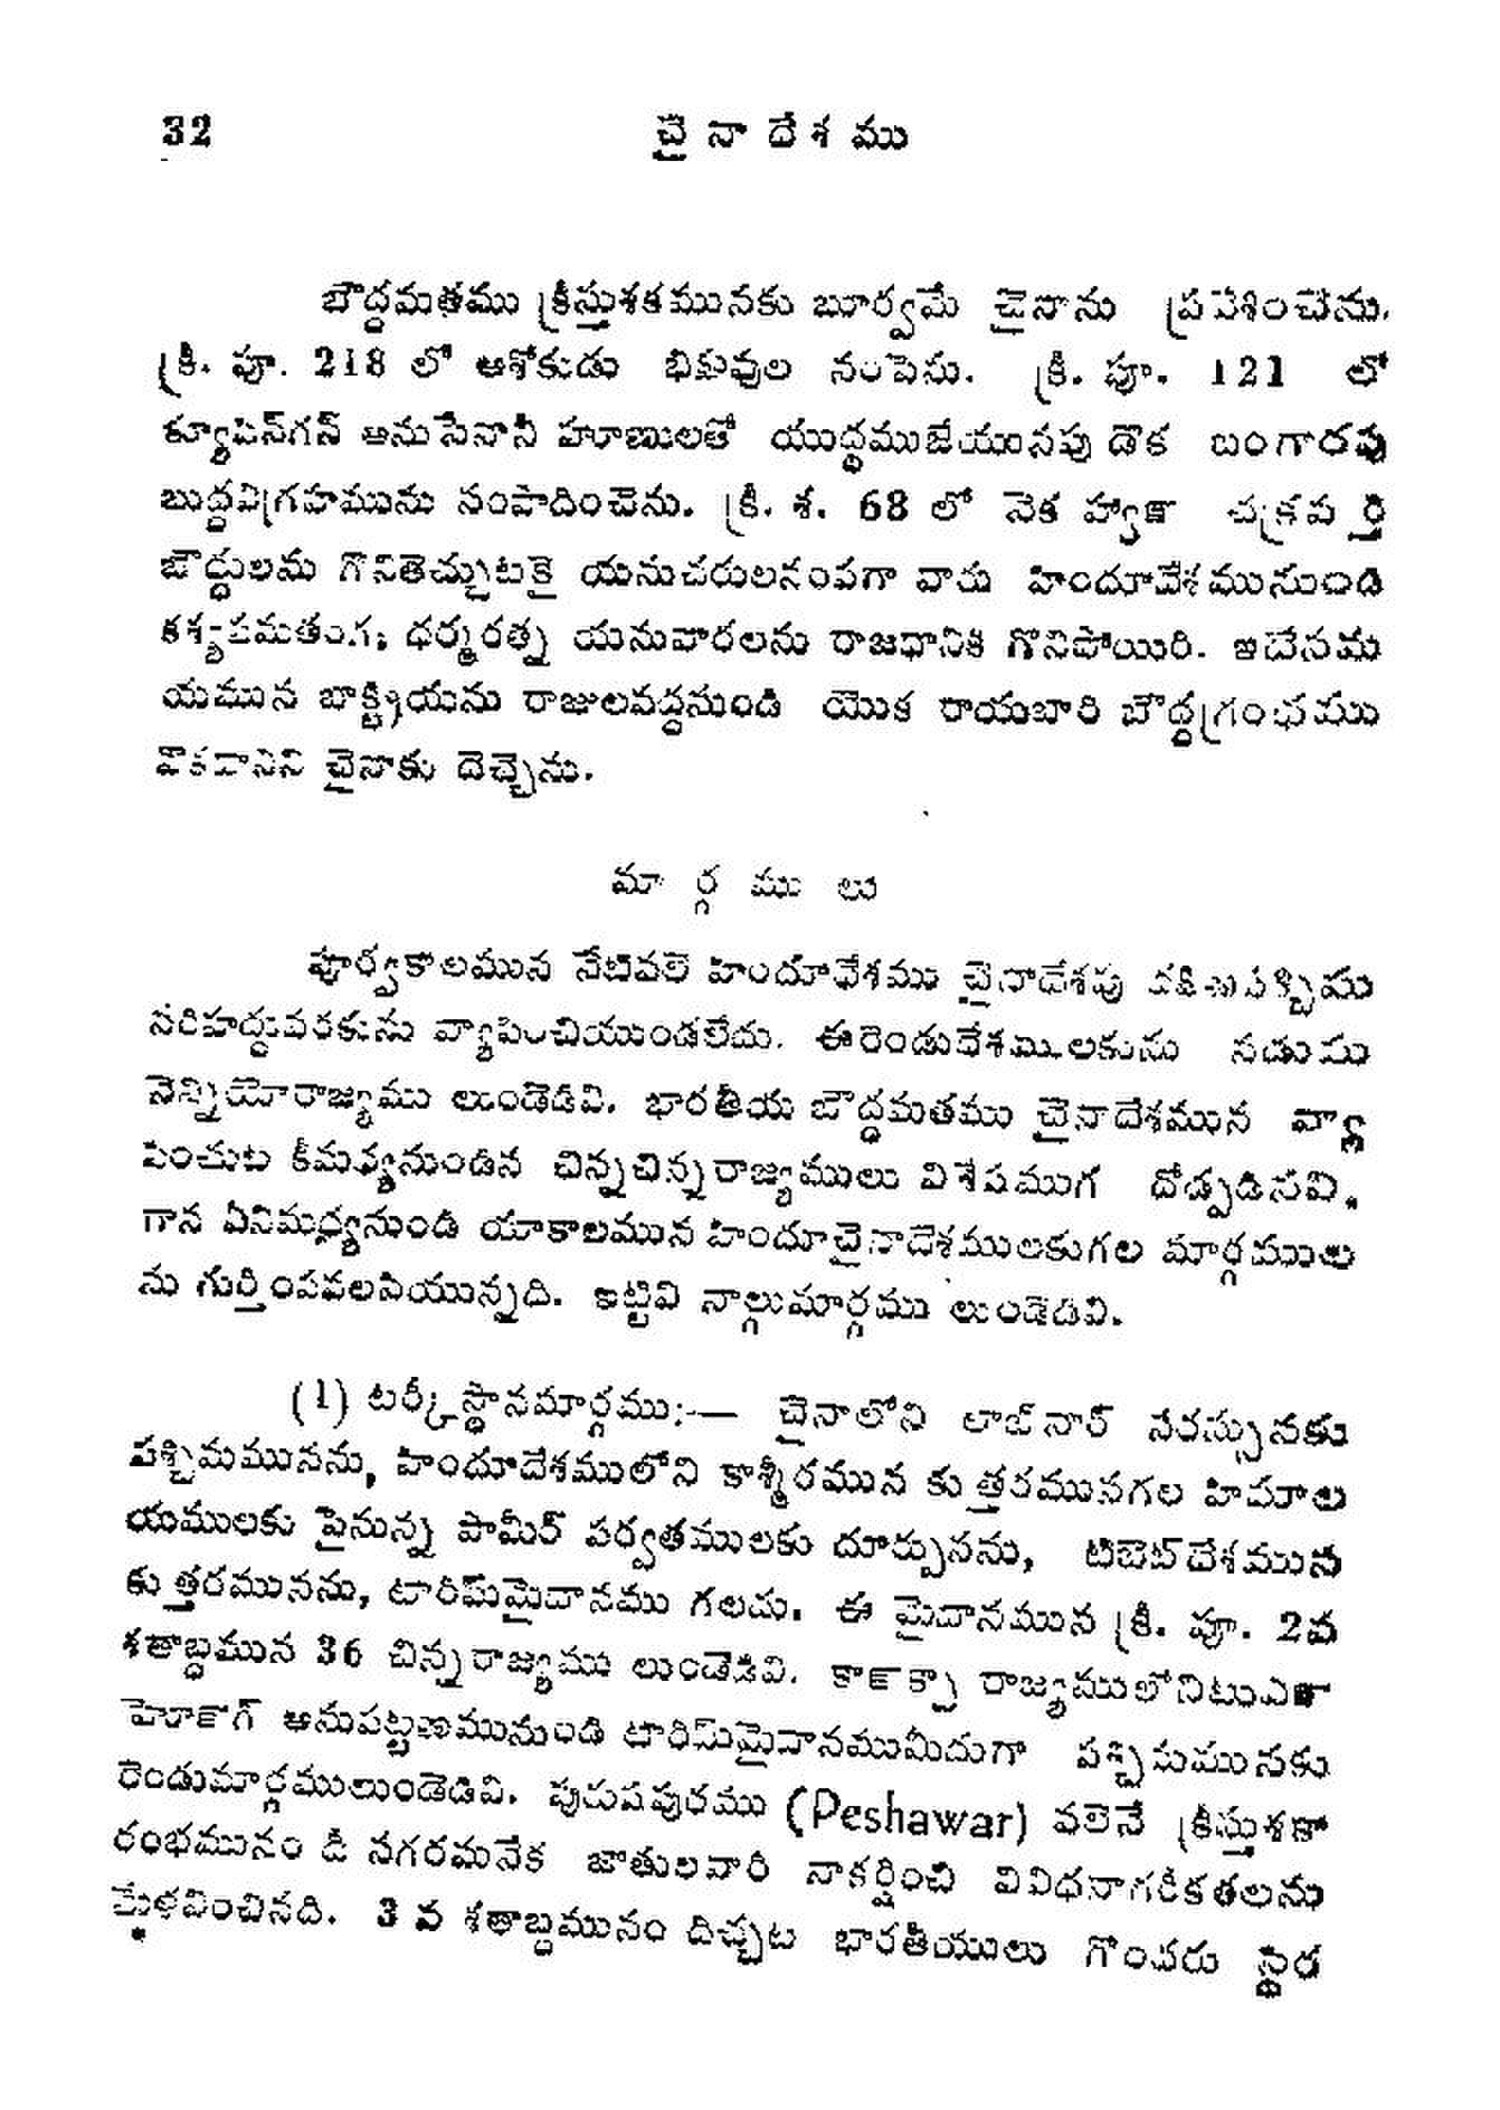బౌద్దమతము క్రీస్తుశకమునకు బూర్వమే చైనాను ప్రవేశించెను. క్రీ. పూ. 218 లో అశోకుడు భిక్షువుల నంపెను. క్రీ. పూ. 121 లో క్యూపిన్‌గస్ అనుసేనాని హూణులతో యుద్ధముజేయునపు డొక బంగారపు బుద్దవిగ్రహమును సంపాదించెను. క్రీ. శ. 68 లో నెక హ్వాన్ చక్రవర్తి బౌద్దులను గొనితెచ్చుటకై యనుచరులనంపగా వారు హిందూదేశమునుండి కశ్యపమతంగ, ధర్మరత్న యనువారలను రాజధానికి గొనిపోయిరి. ఇదేసమయమున బాక్ట్రియను రాజులవద్దనుండి యొక రాయబారి బౌద్దగ్రంథము నొకదానిని చైనాకు దెచ్చెను.

పూర్వకాలమున నేటివలె హిందూదేశము చైనాదేశపు దక్షిణపశ్చిమ సరిహద్దువరకును వ్యాపించియుండలేదు. ఈరెండుదేశములకును నడుమ నెన్నియోరాజ్యము లుండెడివి. భారతీయ బౌద్దమతము చైనాదేశమున వ్యాపించుట కీమధ్యనుండిన చిన్నచిన్న రాజ్యములు విశేషముగ దోడ్పడినవి. గాన ఏవిమధ్యనుండి యాకాలమున హిందూచైనాదేశములకుగల మార్గములను గుర్తింపవలసియున్నది. ఇట్టివి నాల్గుమార్గము లుండెడివి.

(1) టర్కీస్థానమార్గము :- చైనాలోని లాబ్‌నార్ సరస్సునకు పశ్చిమమునను, హిందూదేశములోని కాశ్మీరమున కుత్తరమునగల హిమాలయములకు పైనున్న పామీర్ పర్వతములకును దూర్పునను, టిబెట్‌దేశమున కుత్తరమునను, టారిమ్‌మైదానము గలదు. ఈ మైదానమున క్రీ. పూ. 2 వ శతాబ్దమున 36 చిన్న రాజ్యము లుండెడివి. కాన్‌క్పా రాజ్యములోని టుఎన్ హోన్‌గ్ అనుపట్టణమునుండి టారిమ్‌మైదానముమీదుగా పశ్చిమమునకు రెండుమార్గములుండెడివి. పురుషపురము (Peshawar) వలెనే క్రీస్తుశకారంభమునం దీ నగరమనేక జాతులవారి నాకర్షించి వివిధనాగరీకతలను మేళవించినది. 3 వ శతాబ్దమునం దిచ్చట భారతీయులు గొందరు స్థిర